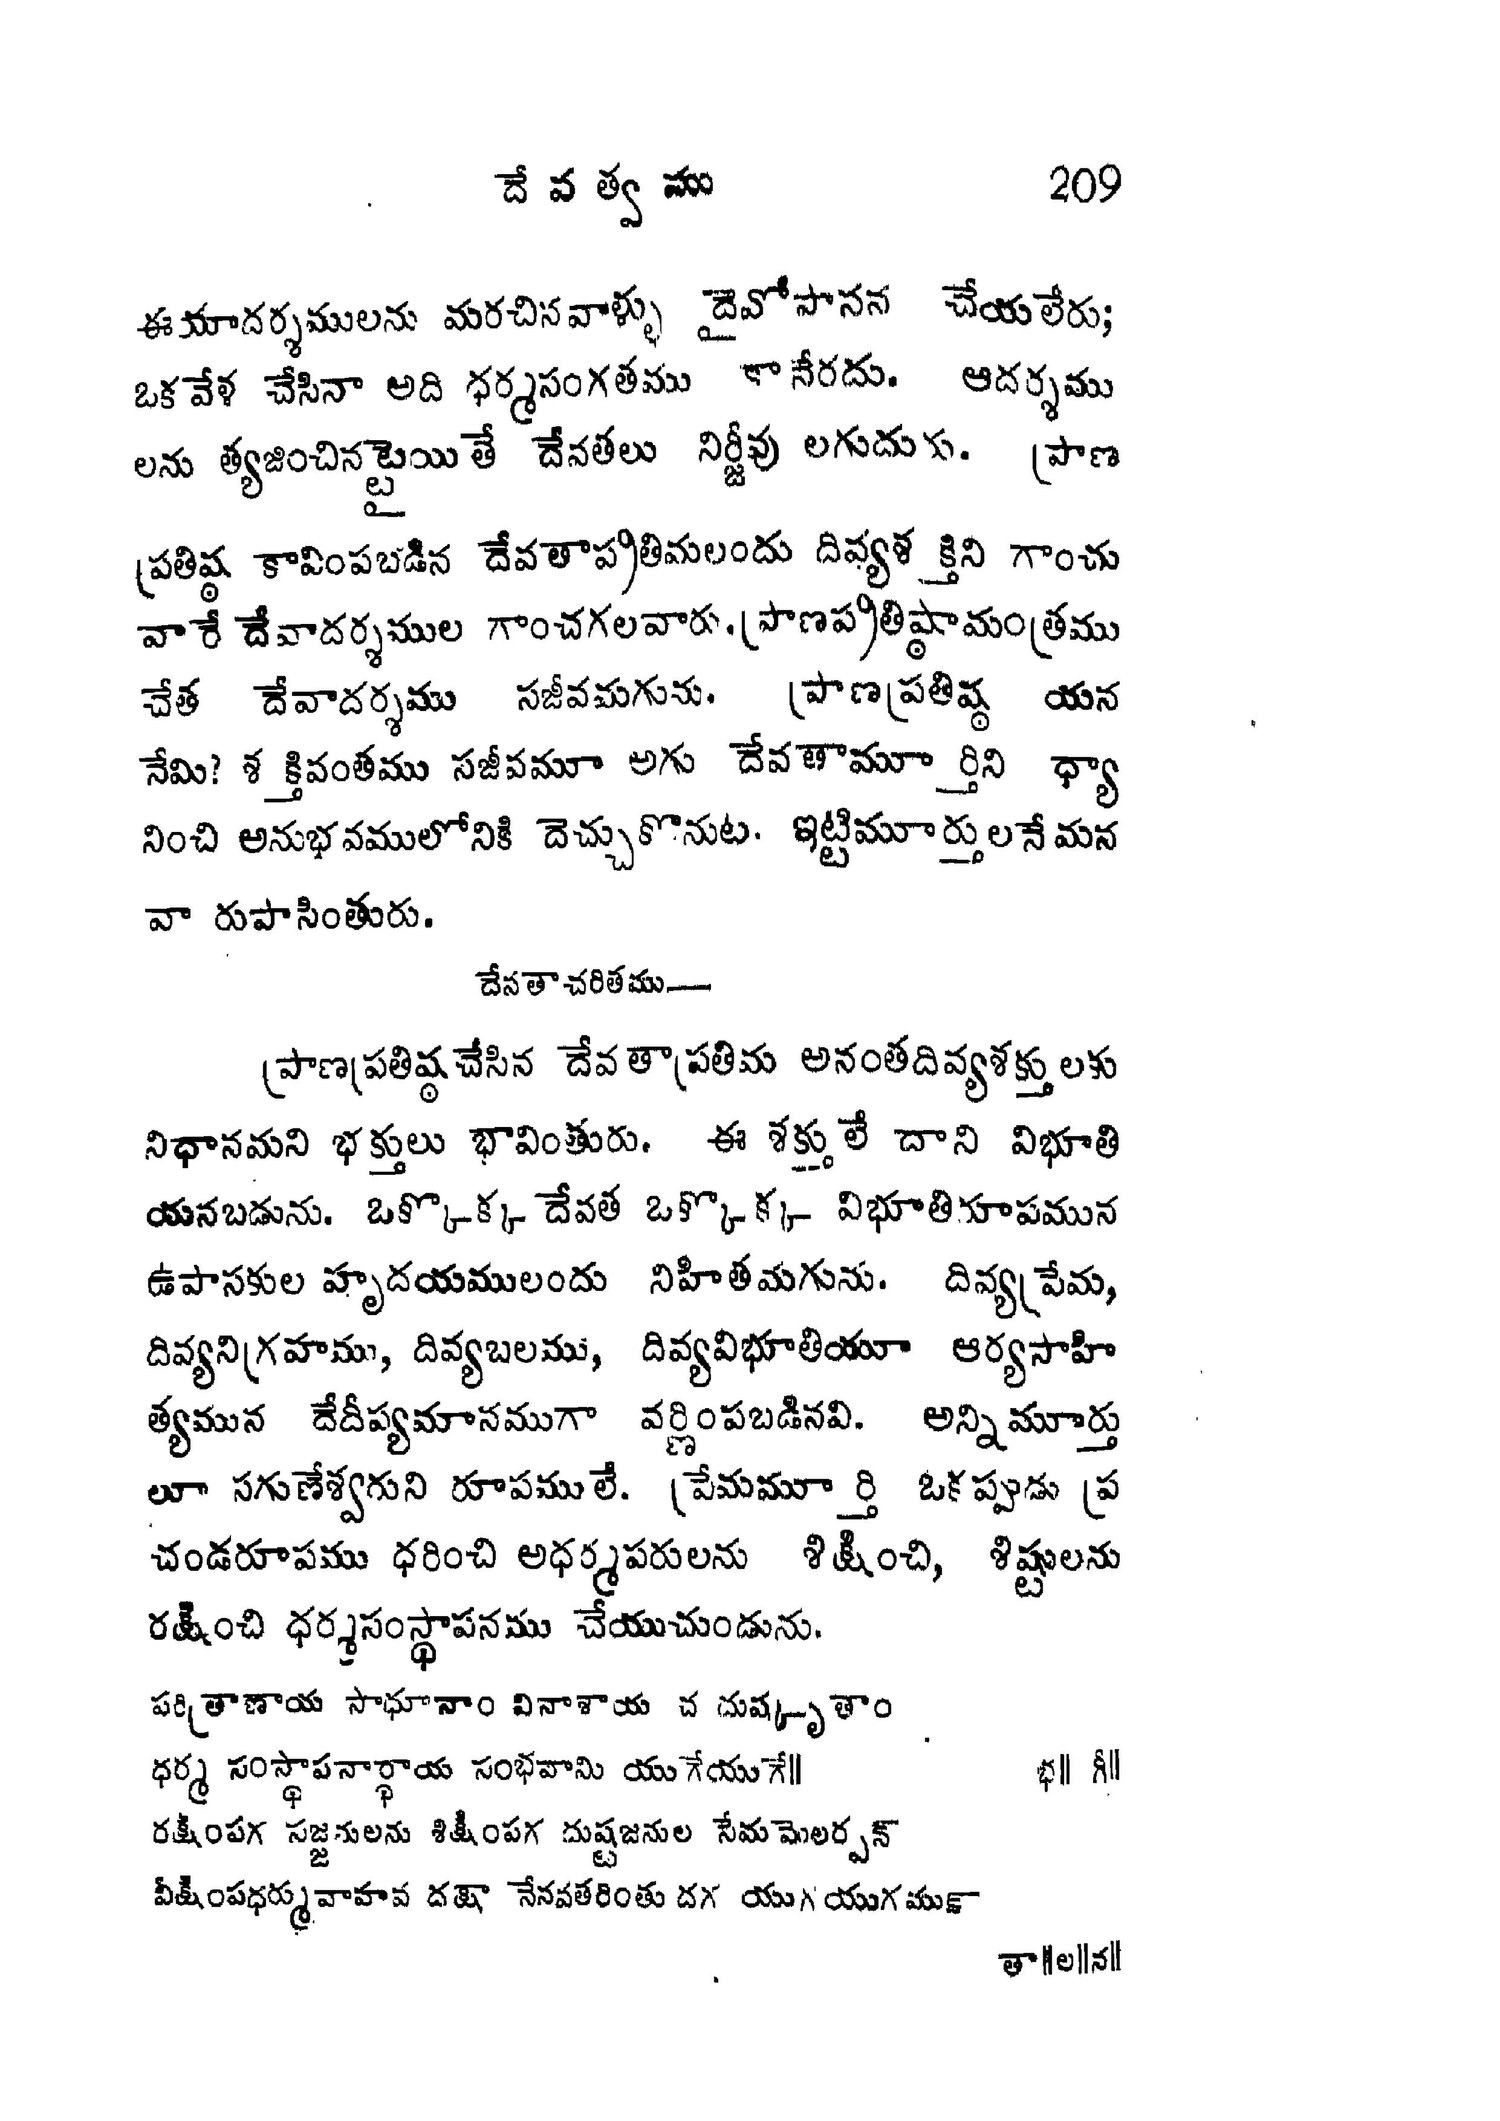ఈయాదర్శములను మరచినవాళ్ళు దైవోపాసన చేయలేరు; ఒకవేళ చేసినా అది ధర్మసంగతము కానేరదు. ఆదర్శములను త్యజించినట్టైయితే దేవతలు నిర్జీవు లగుదురు. ప్రాణ ప్రతిష్ఠ కావింపబడిన దేవతాప్రతిమలందు దివ్యశక్తిని గాంచువారే దేవాదర్శముల గాంచగలవారు. ప్రాణప్రతిష్ఠామంత్రము చేత దేవాదర్శము సజీవమగును. ప్రాణప్రతిష్ఠ యన నేమి? శక్తివంతము సజీవమూ అగు దేవతామూర్తిని ధ్యానించి అనుభవములోనికి దెచ్చుకొనుట. ఇట్టిమూర్తులనే మనవా రుపాసింతురు.

ప్రాణప్రతిష్ఠచేసిన దేవతాప్రతిమ అనంతదివ్యశక్తులకు నిధానమని భక్తులు భావింతురు. ఈ శక్తులే దాని విభూతి యనబడును. ఒక్కొక్కదేవత ఒక్కొక్క విభూతిరూపమున ఉపాసకుల హృదయములందు నిహితమగును. దివ్యప్రేమ, దివ్యనిగ్రహము, దివ్యబలము, దివ్యవిభూతియూ ఆర్యసాహిత్యమున దేదీప్యమానముగా వర్ణింపబడినవి. అన్నిమూర్తులూ సగుణేశ్వరుని రూపములే. ప్రేమమూర్తి ఒకప్పుడు ప్రచండరూపము ధరించి అధర్మపరులను శిక్షించి, శిష్టులను రక్షించి ధర్మసంస్థాపనము చేయుచుండును.

 పరిత్రాణాయ సాధూనాం వినాశాయ చ దుష్కృతాం
 ధర్మ సంస్థాపనార్థాయ సంభవామి యుగేయుగే|| భ|| గీ||
 రక్షింపగ సజ్జనులను శిక్షింపగ దుష్టజనుల సేమమెలర్పన్
 వీక్షింపధర్మువాహన దక్షా నేనవతరింతు దగ యుగ యుగమున్
 టా|| ల|| న||